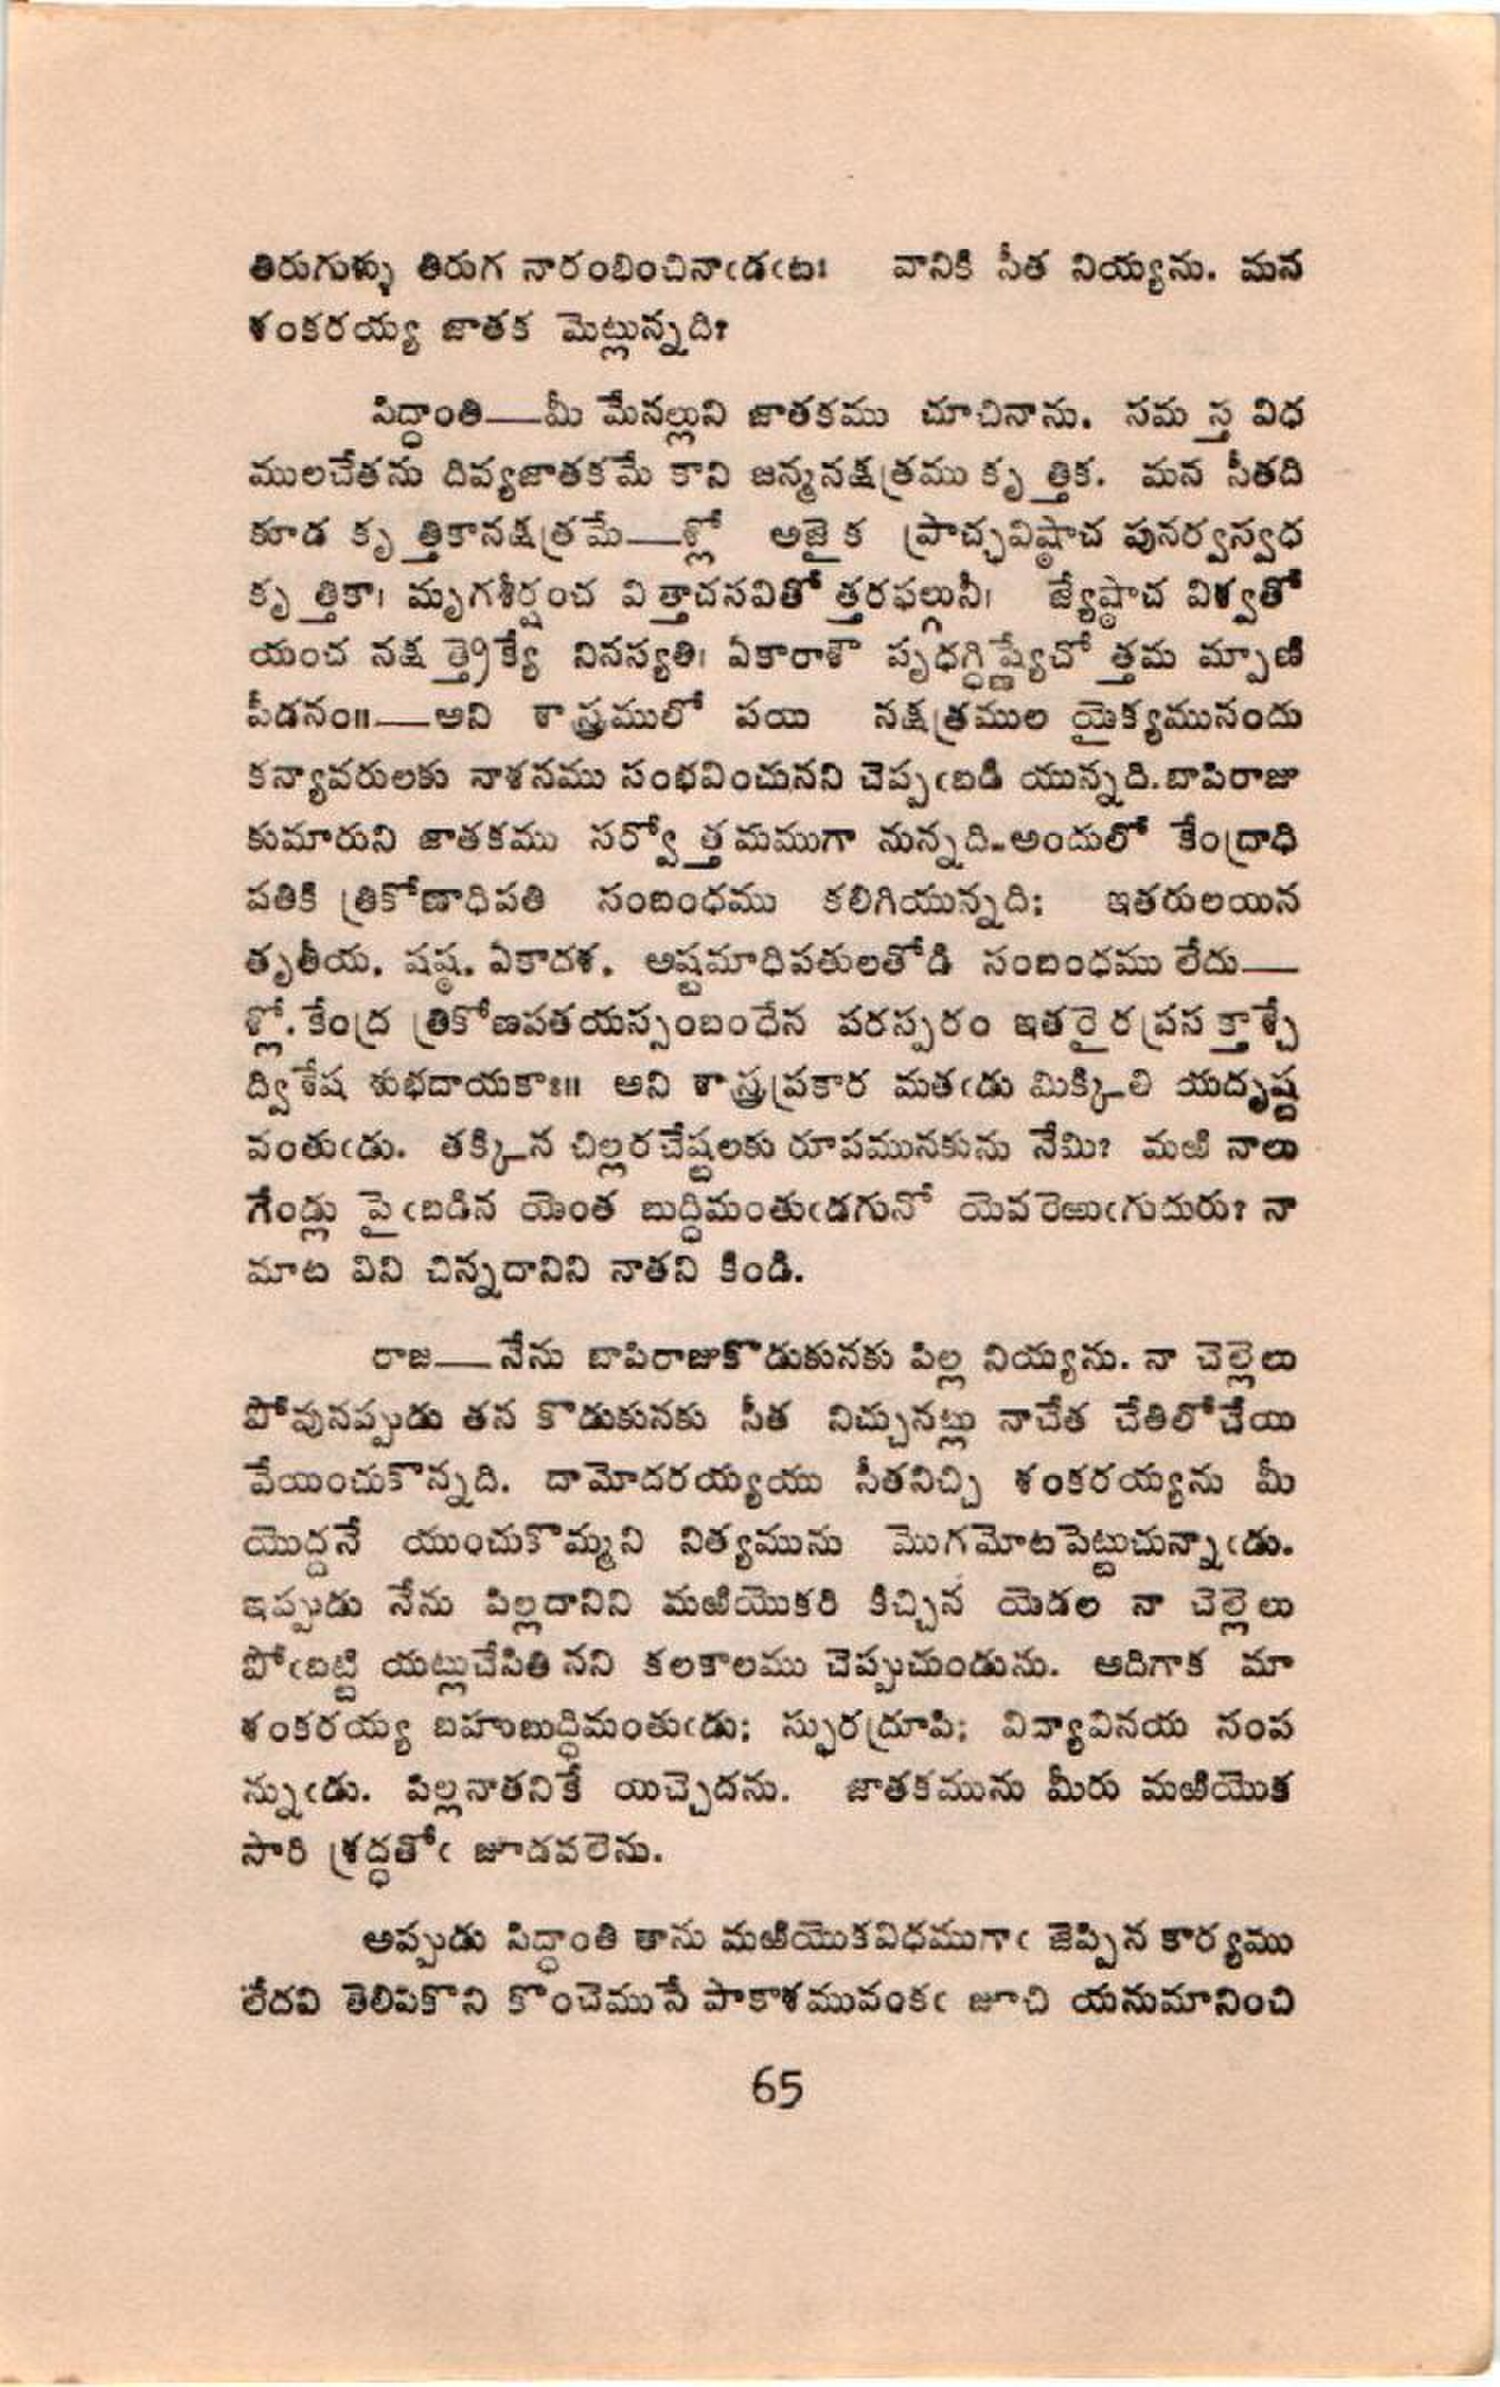తిరుగుళ్ళు తిరుగ నారంభించినాఁడఁట! వానికి సీత నియ్యను. మన శంకరయ్య జాతక మెట్లున్నది?

సిద్ధాంతి__మీ మేనల్లుని జాతకము చూచినాను. సమస్త విధములచేతను దివ్యజాతకమే కాని జన్మనక్షత్రము కృత్తిక. మన సీతది కూడ కృత్తికానక్షత్రమే--శ్లో అజైక ప్రాచ్చవిష్ఠాచ పునర్వస్వధ కృత్తికా: మృగశీర్షంచ విత్తాచసవితోత్తర ఫల్గుని జ్యేష్టాచ విశ్వతో యంచ నక్షత్త్ర క్యే నినస్యతి ఏకారాశౌ పృధగ్ధి ష్ణ్యేచోత్తమ మ్పాణి పీడనం॥__అని శాస్త్రములో పయి నక్షత్రముల యైక్యమునందు కన్యావరులకు నాశనము సంభవించునని చెప్పఁబడి యున్నది. బాపిరాజు కుమారుని జాతకము సర్వోత్తమముగా నున్నది.అందులో కేంద్రాధి పతికి త్రికోణాధిపతి సంబంధము కలిగియున్నది; ఇతరులయిన తృతీయ, షష్ణ, ఏకాదశ, అష్టమాధిపతులతోడి సంబంధము లేదు__శ్లో. కేంద్ర త్రికోణపతయస్సంబంధేన పరస్పరం ఇతరైరప్రసక్తాశ్చే ద్విశేష శుభదాయకా:॥ ఆని శాస్త్ర ప్రకార మతఁడు మిక్కిలి యదృష్ట వంతుఁడు. తక్కిన చిల్లర చేష్టలకు రూపమునకును నేమి? మఱు నాలు గేండ్లు పైబడిన యెంత బుద్ధిమంతుఁడగునో యెవరెఱుఁగుదురు? నా మాట విని చిన్నదానిని నాతని కిండి.

రాజ__నేను బాపిరాజకొడుకునకు పిల్ల నియ్యను. నా చెల్లెలు పోవునప్పడు తన కొడుకునకు సీత నిచ్చునట్లు నాచేత చేతిలో చేయి వేయించుకొన్నది. దామోదరయ్యయు సీతనిచ్చి శంకరయ్యను మీ యొద్దనే యుంచుకొమ్మని నిత్యమును మొగమోటపెట్టుచున్నాఁడు. ఇప్పడు నేను పిల్లదానిని మఱియొకరి కిచ్చిన యెడల నా చెల్లెలు పోఁబట్టి యట్లు చేసితినని కలకాలము చెప్పుచుండును. అదిగాక మా శంకరయ్య బహుబుద్ధిమంతుఁడు; స్ఫురద్రూపి; విద్యావినయ సంప న్నుఁడు. పిల్లనాతనికే యిచ్చెదను. జాతకమును మీరు మఱియొక సారి శ్రద్ధతోఁ జూడవలెను.

ఆప్పడు సిద్ధాంతి తాను మఱియొకవిధముగా జెప్పిన కార్యము లేదని తెలిసికాని కొంచెము సే పాకాశమువంకఁ జూచి యనుమానించి